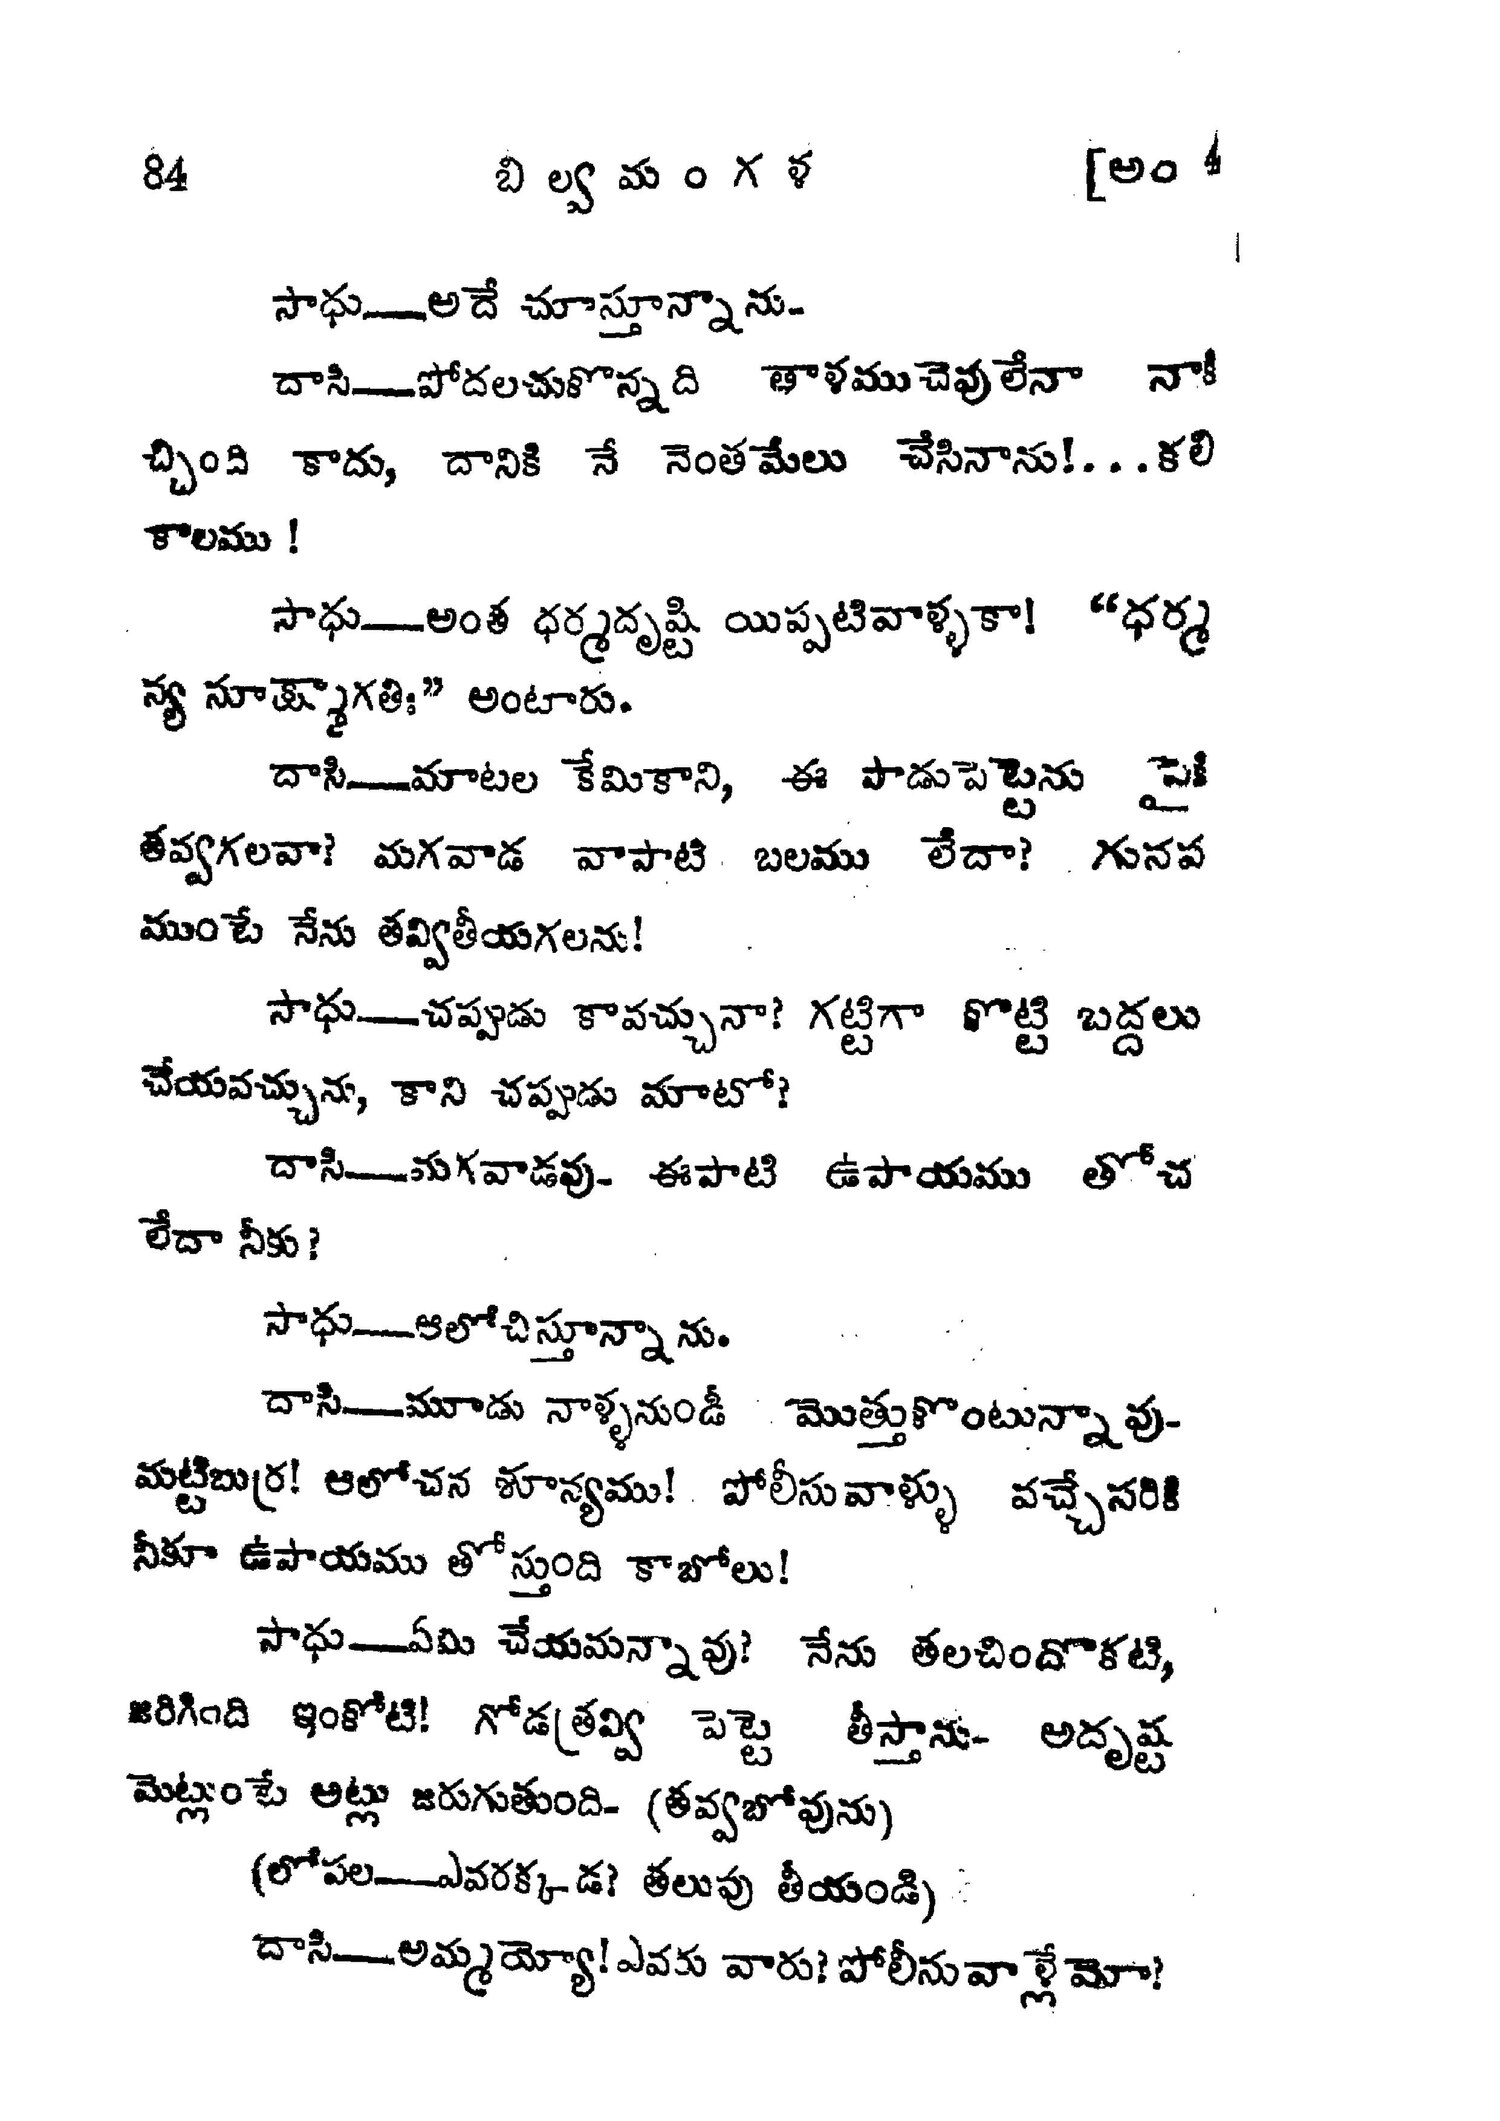సాధు - అదే చూస్తూన్నాను.

దాసి - పోదలచుకొన్నది తాళముచెవులేనా నాకిచ్చింది కాదు, దానికి నే నెంతమేలు చేసినాను!... కలికాలము !

సాధు - అంత ధర్మదృష్టి యిప్పటివాళ్ళకా! "ధర్మస్య సూక్ష్మాగతి:" అంటారు.

దాసి - మాటల కేమికాని, ఈ పాడుపెట్టెను పైకి తవ్వగలవా? మగవాడ వాపాటి బలము లేదా? గునప ముంటే నేను తవ్వితీయగలను!

సాధు - చప్పుడు కావచ్చునా? గట్టిగా కొట్టి బద్దలు చేయవచ్చును, కాని చప్పుడు మాటో?

దాసి - మగవాడవు - ఈపాటి ఉపాయము తోచ లేదా నీకు?

సాధు - ఆలోచిస్తూన్నాను.

దాసి - మూడు నాళ్ళనుండీ మొత్తుకొంటున్నావు - మట్టిబుర్ర! ఆలోచన శూన్యము ! పోలీసువాళ్ళు వచ్చేసరికి నీకూ ఉపాయము తోస్తుంది కాబోలు!

సాధు - ఏమి చేయమన్నావు? నేను తలచిందొకటి, జరిగింది ఇంకోటి! గోడత్రవ్వి పెట్టె తీస్తాను - అదృష్ట మెట్లుంటే అట్లు జరుగుతుంది - (త్రవ్వబోవును)

(లోపల - ఎవరక్కడ? తలుపు తీయండి)

దాసి - అమ్మయ్యో! ఎవరు వారు! పోలీసువాళ్లేమో!